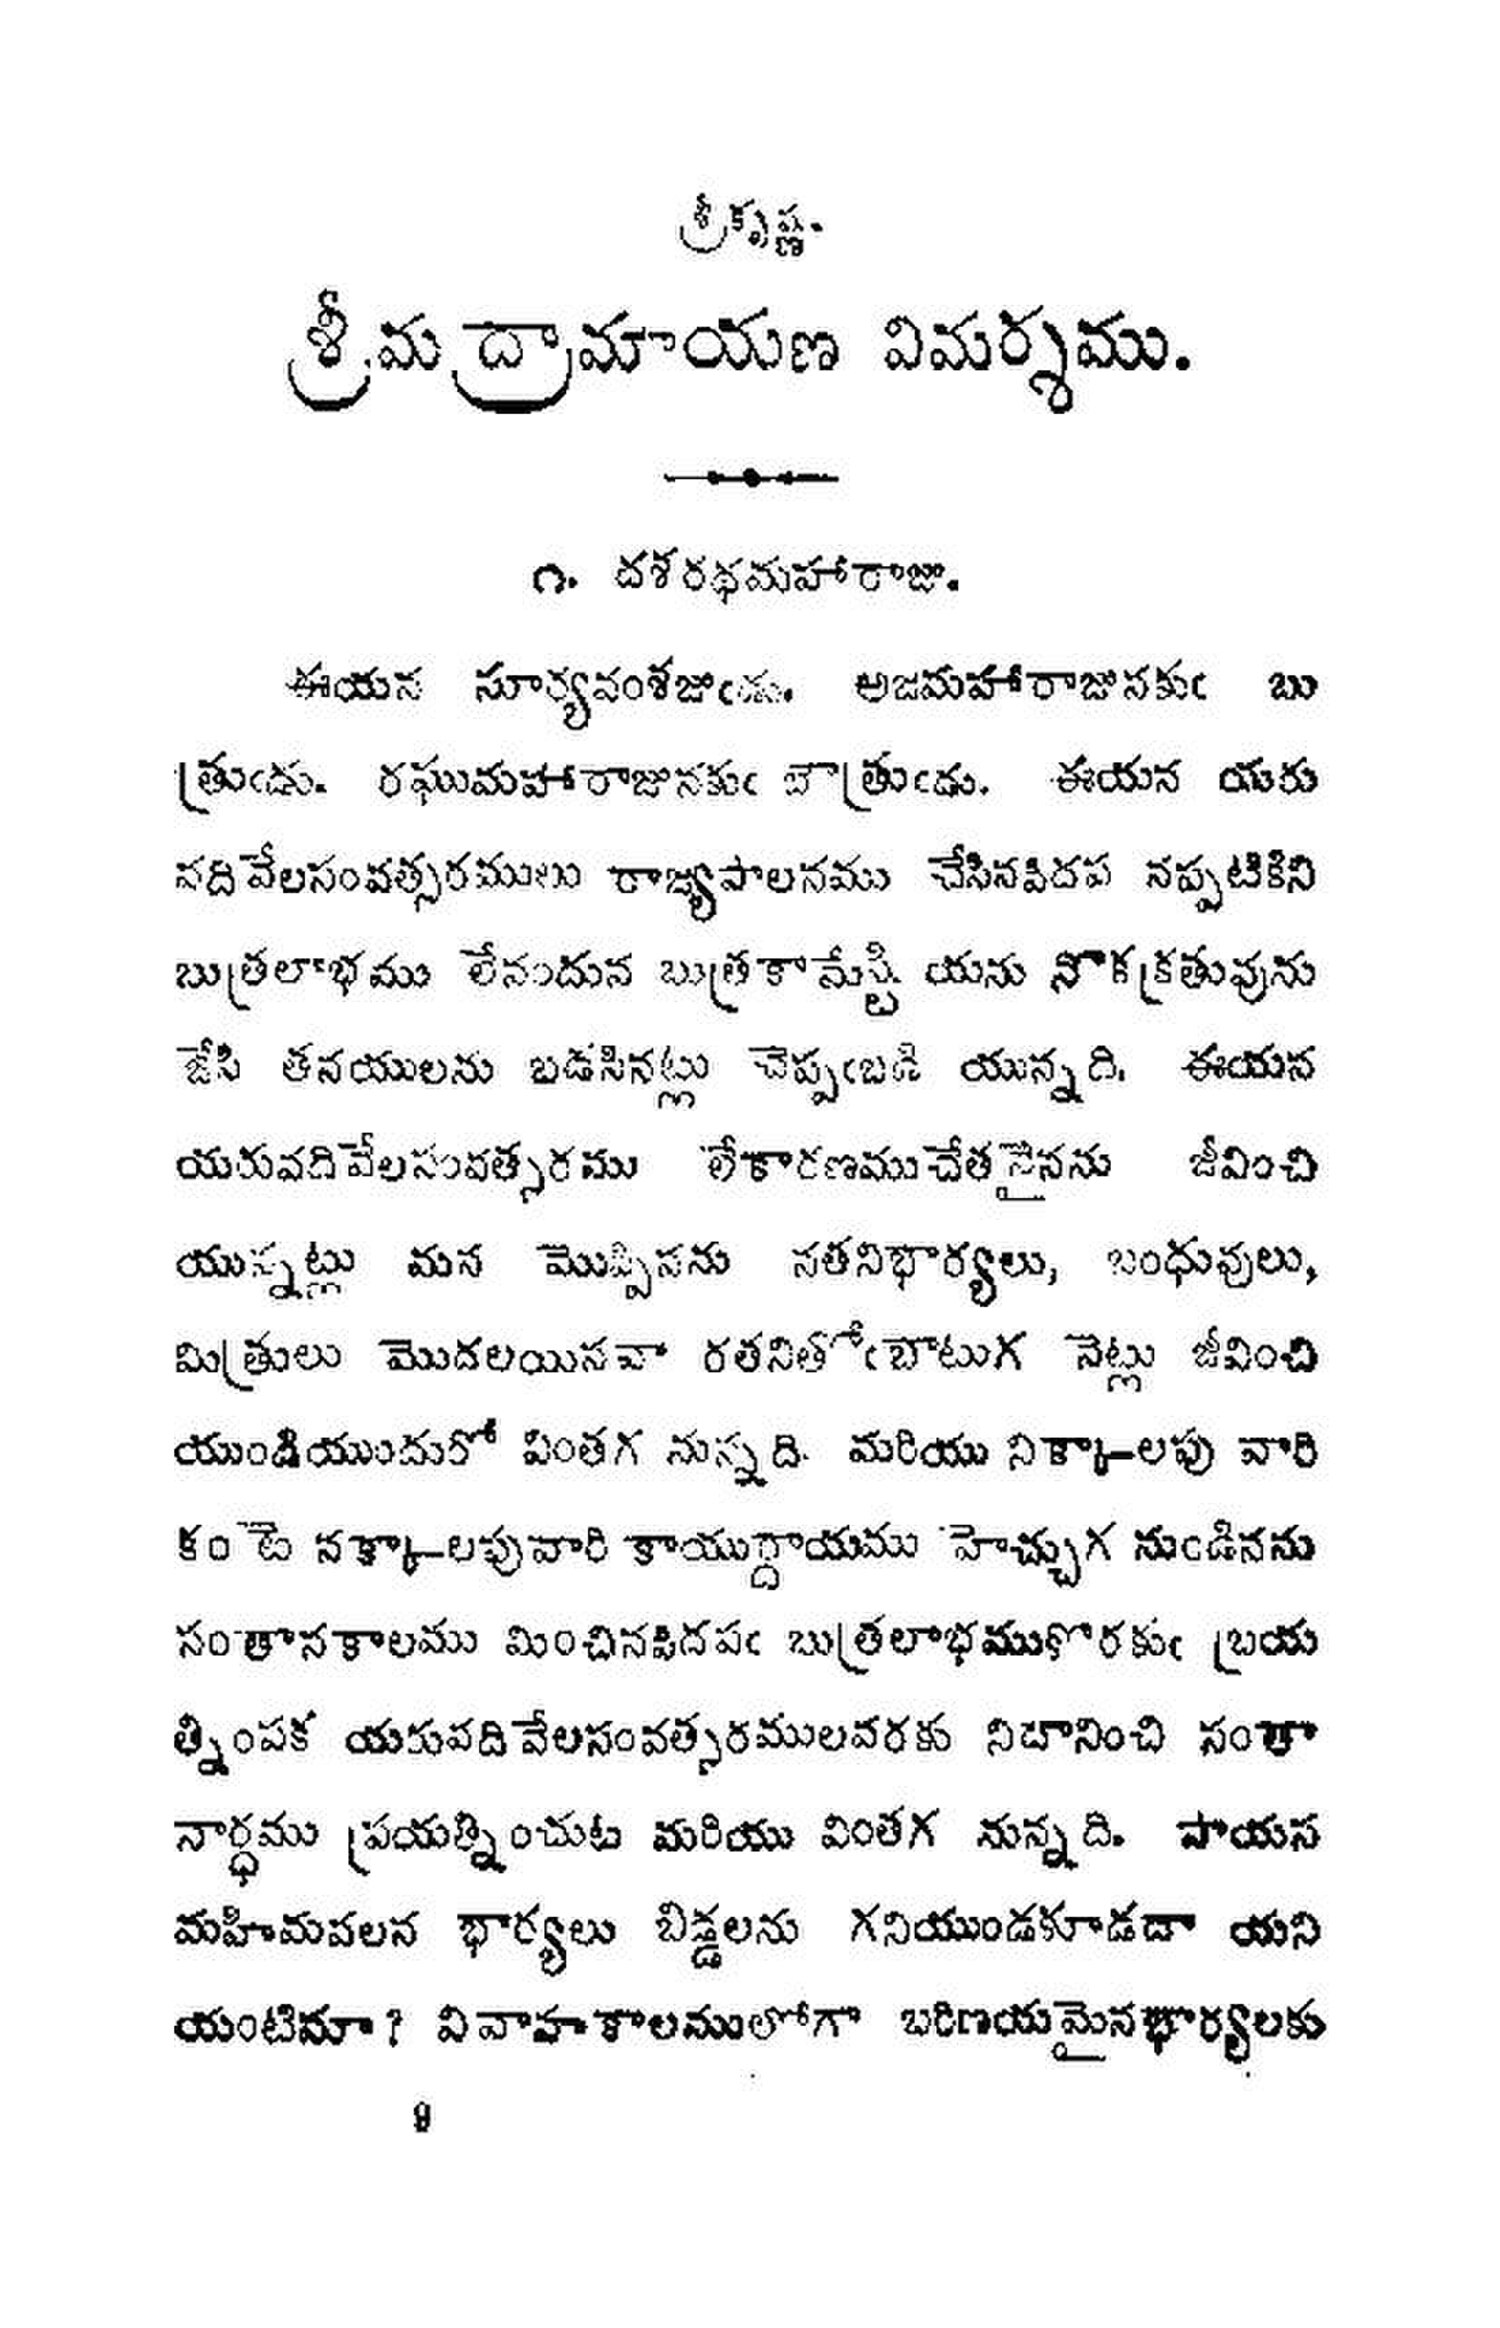శ్రీమద్రామాయణ విమర్శము.

ఈయన సూర్యవంశజుఁడు. అజమహారాజునకుఁ బుత్రుఁడు. రఘుమహారాజునకుఁ బౌత్రుఁడు. ఈయన యరువదివేలసంవత్సరములు రాజ్యపాలనము చేసినపిదప నప్పటికిని బుత్రలాభము లేనందున బుత్రకామేష్టి యను నొకక్రతువును జేసి తనయులను బడసినట్లు చెప్పఁబడి యున్నది. ఈయన
యరువదివేలసంవత్సరము లేకారణముచేతనైనను జీవించి యున్నట్లు మన మొప్పినను నతనిభార్యలు, బంధువులు, మిత్రులు మొదలయినవా రతనితోఁబాటుగ నెట్లు జీవించి
యుండియుందురో వింతగ నున్నది. మరియు నిక్కాలపు వారికంటె నక్కాలపువారి కాయుర్దాయము హెచ్చుగ నుండినను సంతానకాలము మించినపిదపఁ బుత్రలాభముకొరకుఁ బ్రయత్నింపక యరువది వేలసంవత్సరములవరకు నిదానించి సంతానార్ధము ప్రయత్నించుట మరియు వింతగ నున్నది. పాయస మహిమవలన భార్యలు బిడ్డలను గనియుండకూడదా యని యంటిమా ! వివాహ కాలములోగా బరిణయమైనభార్యలకు